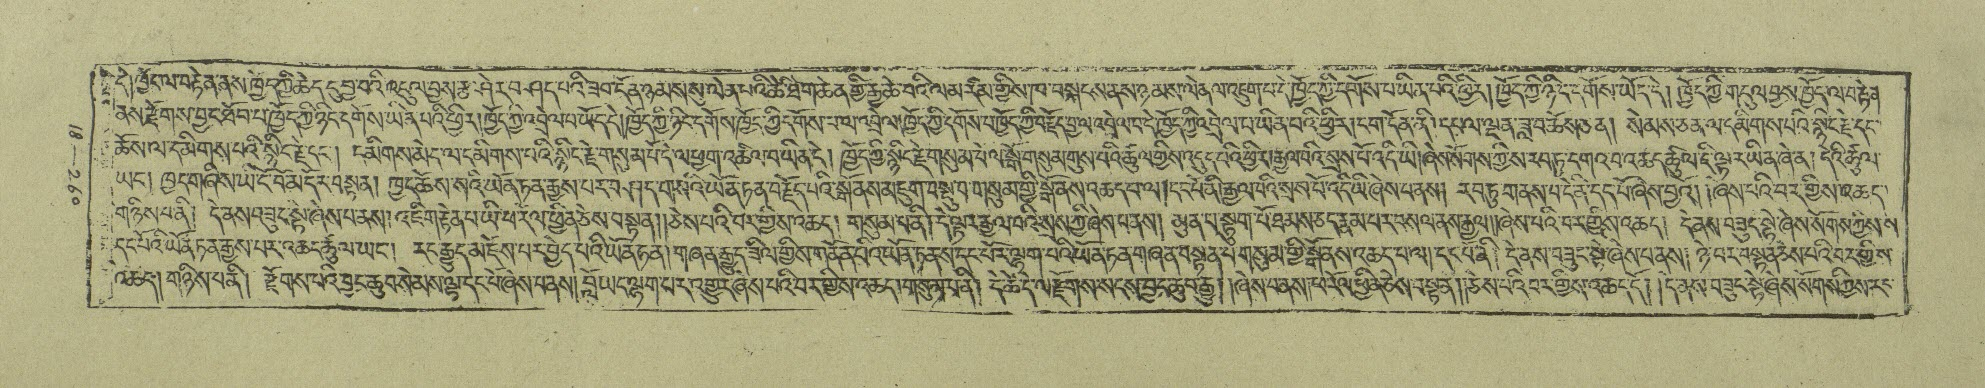དེ། ཁྱོད་ལ་བརྟེན་ནས་ཁྱོད་ཀྱི་ཆེད་དུ་བྱ་བའི་འདུལ་བྱས་རྩ་ཤེར་བཤད་པའི་ཟབ་དོན་ཉམས་སུ་ལེན་པའི་ཆེ་ཐེག་ཆེན་གྱི་རྒྱ་ཆེ་བའི་ལམ་རིམ་གྱིས་ཁ་བསྐངས་ནས་ཉམས་ལེན་ལ་འཇུག་པ་དེ་ཁྱོད་ཀྱི་དགོས་པ་ཡིན་པའི་ཕྱིར། ཁྱོད་ཀྱི་ཉིད་དགོས་ཡོད་དེ། ཁྱོད་ཀྱི་གདུལ་བྱས་ཁྱོད་ལ་བརྟེན་
ནས་རྫོགས་བྱང་ཐོབ་པ་ཁྱོད་ཀྱི་ཉིད་དགོས་ཡིན་པའི་ཕྱིར། ཁྱོད་ཀྱི་འདྲེལ་པ་ཡོད་དེ། ཁྱོད་ཀྱི་ཉིད་དགོས་ཁྱོད་ཀྱི་དགོས་པ་ལ་འབྲེལ། ཁྱོད་ཀྱི་དགོས་པ་ཁྱོད་ཀྱི་བརྗོད་བྱ་ལ་འབྲེལ་བ་དེ་ཁྱོད་ཀྱི་འབྲེལ་བ་ཡིན་པའི་ཕྱིར། ངག་དོན་ནི། དཔལ་ལྡན་ཟླ་བ་ཆོས་ཅན། སེམས་ཅན་ལ་དམིགས་པའི་སྙིང་རྗེ་དང་།
ཆོས་ལ་དམིགས་པའི་སྙིང་རྗེ་དང་། དམིགས་མེད་ལ་དམིགས་པའི་སྙིང་རྗེ་གསུམ་པོ་དེ་ལ་ཕྱག་འཚལ་བ་ཡིན་དེ། ཁྱོད་ཀྱི་སྙིང་རྗེ་གསུམ་པོ་ལ་སྒོ་གསུམ་གུས་པའི་ཚུལ་གྱིས་འདུད་པའི་ཕྱིར། རྒྱལ་བའི་སྲས་པོ་འདི་ཡི། ཞེས་སོགས་ཀྱི་ས་རབ་ཏུ་དགའ་བ་འཆད་ཚུལ་ཇི་ལྟར་ཡིན་ཞེ་ན། དེའི་ཚུལ་
ཡང་། ཁྱད་གཞིས་ཡི་ངོ་བོ་མདོར་བསྟན། ཁྱད་ཆོས་སའི་ཡོན་ཏན་རྒྱས་པར་བཤད་པ། སའི་ཡོན་ཏན་བརྗོད་པའི་སྒོ་ནས་མཇུག་བསྡུ་བ་གསུམ་གྱི་སྒོ་ནས་འཆད་པ་ལ། དང་པོ་ནི། རྒྱལ་བའི་སྲས་པོ་འདི་ཡི་ཞེས་པ་ནས། རབ་ཏུ་གནས་པ་དེ་ནི་དང་པོ་ཞེས་བྱའོ། །ཞེས་པའི་བར་གྱིས་འཆད།
གཉིས་པ་ནི། དེ་ནས་བཟུང་སྟེ་ཞེས་པ་ནས། འཇིག་རྟེན་པ་ཡི་ཕ་རོལ་ཕྱིན་ཅེས་བསྟན། །ཅེས་པའི་བར་གྱིས་འཆད། གསུམ་པ་ནི། དེ་ལྟར་རྒྱལ་བའི་སྲས་ཀྱི་ཞེས་པ་ནས། མུན་པ་སྟུག་པོ་ཐམས་ཅད་རྣམ་པར་བསལ་ནས་རྒྱལ། །ཞེས་པའི་བར་གྱིས་འཆད། དེ་ནས་བཟུང་སྟེ་ཞེས་སོགས་ཀྱིས་ས་
དང་པོའི་ཡོན་ཏན་རྒྱས་པར་འཆད་ཚུལ་ཡང་། རང་རྒྱུད་མཛེས་པར་བྱེད་པའི་ཡོན་ཏན། གཞན་རྒྱུད་ཟིལ་གྱིས་གནོན་པའི་ཡོན་ཏན་ས་དང་པོར་ལྷག་པའི་ཡོན་ཏན་གཞན་བསྟན་པ་གསུམ་གྱི་སྒོ་ནས་འཆད་པ་ལ། དང་པོ་ནི། དེ་ནས་བཟུང་སྟེ་ཞེས་པ་ནས། ཉེ་བར་བསྟན་ཅེས་པའི་བར་གྱིས་
འཆད། གཉིས་པ་ནི། རྫོགས་པའི་བྱང་ཆུབ་སེམས་ལྟ་དང་པོ་ཞེས་པ་ནས། བློ་ཡང་ལྷག་པར་འགྱུར་ཞེས་པའི་བར་གྱིས་འཆད། གསུམ་པ་ནི། དེ་ཚེ་དེ་ལ་རྫོགས་སངས་བྱང་ཆུབ་རྒྱུ། །ཞེས་བ་ནས། ཕ་རོལ་ཕྱིན་ཅེས་བསྟན། །ཅེས་པའི་བར་གྱིས་འཆད་དོ། །དེ་ནས་བཟུང་སྟེ་ཞེས་སོགས་ཀྱིས་རང་